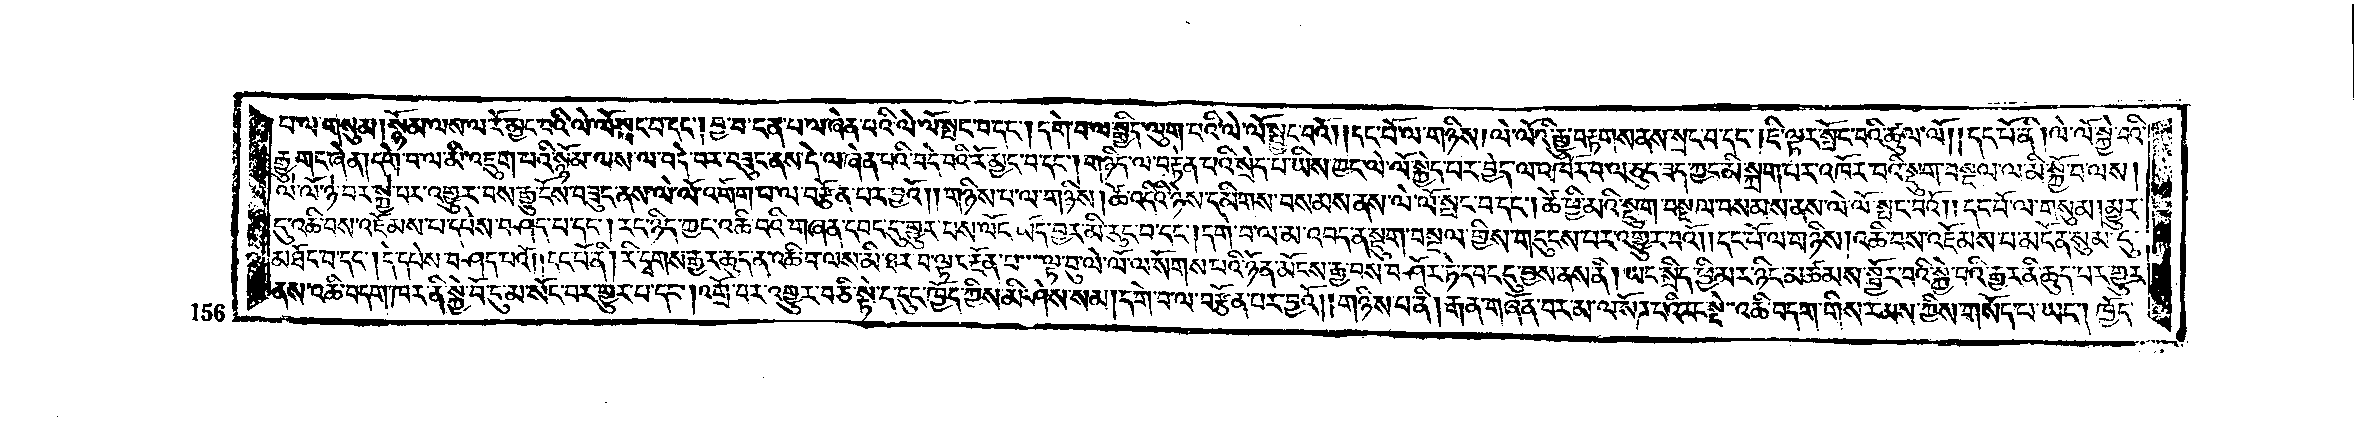པ་ལ་གསུམ། སྙོམ་ལས་ལ་རོ་མྱང་བའི་ལེ་ལོ་སྤང་བ་དང་། བྱ་བ་ངན་པ་ལ་ཞེན་པའི་ལེ་ལོ་སྤང་བ་དང་། དགེ་བ་ལ་སྒྱིད་ལུག་པའི་ལེ་ལོ་སྤང་བའོ། །དང་པོ་ལ་གཉིས། ལེ་ལོའི་རྒྱུ་བརྟགས་ནས་སྲང་བ་དང་། ཇི་ལྟར་སྤོང་བའི་ཚུལ་ལོ། །དང་པོ་ནི། ལེ་ལོ་སྐྱེ་བའི་
རྒྱུ་གང་ཞེ་ན། དགེ་བ་ལ་མི་འཇུག་པའི་སྙོམ་ལས་ལ་བདེ་བར་བཟུང་ནས་དེ་ལ་ཞེན་པའི་བདེ་བའི་རོ་མྱང་བ་དང་། གཉིད་ལ་བརྟེན་པའི་སྲེད་པ་ཡིས་ཀྱང་ལེ་ལོ་སྐྱེད་པར་བྱེད་ལ་འཁོར་བ་ལ་ཅུང་ཟད་ཀྱང་མི་སྐྲག་པར་འཁྲོ་བའི་སྡུག་བསྔལ་ལ་མི་སྐྱོ་བ་ལས།
ལེ་ལོ་ཉེ་བར་སྐྱེ་བར་འགྱུར་བས་རྒྱུ་ངོས་བཟུང་ནས་ལེ་ལོ་འགོག་པ་ལ་བརྩོན་པར་བྱའོ། །གཉིས་པ་ལ་གཉིས། ཚེ་འདིའི་ཉེས་དམིགས་བསམས་ནས་ལེ་ལོ་སྤང་བ་དང་། ཚེ་ཕྱི་མའི་སྡུག་བསྔལ་བསམས་ནས་ལེ་ལོ་སྤང་བའོ། །དང་པོ་ལ་གསུམ་མྱུར་
དུ་འཆི་བས་འཇོམས་པ་དཔེས་བཤད་པ་དང་། རང་ཉིད་ཀྱང་འཆི་བའི་གཞན་དབང་དུ་གྱུར་པས་ལོང་ཡོད་བྱར་མི་རུང་བ་དང་། དགེ་བ་ལ་མ་འབད་ན་སྡུག་བསྔལ་གྱིས་གདུངས་པར་འགྱུར་བའོ། །དང་པོ་ལ་གཉིས། འཆི་བས་འཇོམས་པ་མངོན་སུམ་དུ་
མཐོང་བ་དང་། དེ་དཔེས་བཤད་པའོ། །དང་པོ་ནི། རི་དྭགས་རྒྱར་ཆུད་ན་འཆི་བ་ལས་མི་ཐར་བ་ལྟར་རྔོན་པ་ལྟ་བུ་ལེ་ལོ་ལ་སོགས་པའི་ཉོན་མོངས་རྒྱ་བས་བཤོར་ཏེ་དབང་དུ་བྱས་ནས་ནི། ཡང་སྲིད་ཕྱི་མར་ཉིད་མཚམས་སྦྱོར་བའི་སྐྱེ་བའི་རྒྱར་ནི་ཆུད་པར་གྱུར་
ནས་འཆི་བདག་ཁར་ནི་སྐྱེ་བོ་དུ་མ་སོང་བར་གྱུར་པ་དང་། འགྲོ་བར་འགྱུར་བ་ཅི་སྟེ་ད་དུང་ཁྱོད་ཀྱིས་མི་ཤེས་སམ། དགེ་བ་ལ་བརྩོན་པར་བྱའོ། །གཉིས་པ་ནི། རྒན་གཞོན་པར་མ་ལ་སོགས་པའི་རང་སྡེ་འཆི་བདག་གིས་རམས་ཀྱིས་གསོད་པ་ཡང་། ཁྱོད་